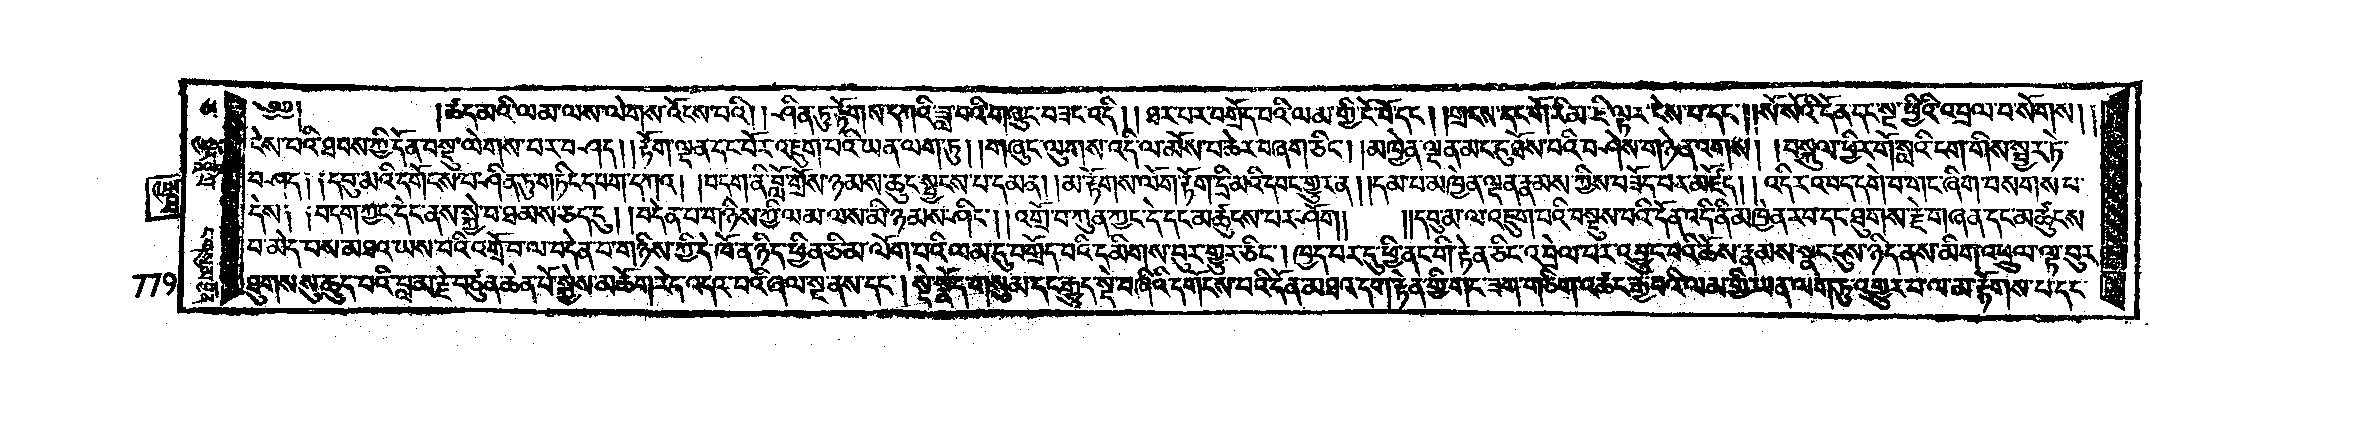༄༅། །ཚད་མའི་ལམ་ལས་ལེགས་འོངས་པའི། །ཤིན་ཏུ་རྟོགས་དཀའི་ཟླ་བའི་གཞུང་བཟང་འདི། །ཐར་པར་བགྲོད་པའི་ལམ་གྱི་ངོ་བོ་དང་། །གྲངས་དང་གོ་རིམ་ཇི་ལྟར་ངེས་པ་དང་། །སོ་སོའི་དོན་དང་སྔ་ཕྱིའི་འབྲལ་བ་སོགས། །
ངེས་པའི་ཐབས་ཀྱི་དོན་བསྡུ་ལེགས་པར་བཤད། །རྟོག་ལྡན་དང་པོར་འཇུག་པའི་ཡན་ལག་ཏུ། །གཞུང་ལུགས་འདི་ལ་མོས་པ་ཆེར་བཞག་ཅིང་། །མཁྱེན་ལྡན་མང་དུ་ཐོས་པའི་བཤེས་གཉེན་འགས། །བསྐུལ་ཕྱིར་གོ་སླའི་ངག་གིས་སྦྱར་ཏེ་
བཤད༑ ༑དབུ་མའི་དགོངས་པ་ཤིན་ཏུ་གཏིང་དཔག་དཀའ། །བདག་ནི་བློ་གྲོས་ཉམས་ཆུང་སྦྱངས་པ་དམན། །མ་རྟོགས་ལོག་རྟོག་དྲི་མའི་དབང་གྱུར་ན། །དམ་པ་མཁྱེན་ལྡན་རྣམས་ཀྱིས་བཟོད་པར་མཛོད། །འདིར་འབད་དགེ་བ་གང་ཞིག་བསགས་པ་
དེས༑ ༑བདག་ཀྱང་དེང་ནས་སྐྱེ་བ་ཐམས་ཅད་དུ། །བདེན་པ་གཉིས་ཀྱི་ལམ་ལས་མི་ཉམས་ཤིང་། །འགྲོ་བ་ཀུན་ཀྱང་དེ་དང་མཚུངས་པར་ཤོག། །།དབུ་མ་ལ་འཇུག་པའི་བསྡུས་པའི་དོན་འདི་ནི་མཁྱེན་རབ་དང་ཐུགས་རྗེ་གཞན་དང་མཚུངས་
པ་མེད་པས་མཐའ་ཡས་པའི་འགྲོ་བ་ལ་བདེན་པ་གཉིས་ཀྱི་དེ་ཁོ་ན་ཉིད་ཕྱིན་ཅི་མ་ལོག་པའི་ལམ་དུ་བགྲོད་པའི་དམིགས་བུར་གྱུར་ཅིང་། ཁྱད་པར་དུ་ཕྱི་ནང་གི་རྟེན་ཅིང་འབྲེལ་བར་འབྱུང་བའི་ཆོས་རྣམས་སྣང་དུས་ཉིད་ནས་མིག་འཕྲུལ་ལྟ་བུར་
ཐུགས་སུ་ཆུད་པའི་བླ་མ་རྗེ་བཙུན་ཆེན་པོ་སྐྱེས་མཆོག་རེད་འདའ་བའི་ཞལ་སྔ་ནས་དང་། སྡེ་སྣོད་གསུམ་དང་རྒྱུད་སྡེ་བཞིའི་དགོངས་པའི་དོན་མཐའ་དག་རྟེན་གྱི་གང་ཟག་གཅིག་འཚང་རྒྱ་བའི་ལམ་གྱི་ཡན་ལག་ཏུ་འགྱུར་བ་ལ་མ་རྟོགས་པ་དང་